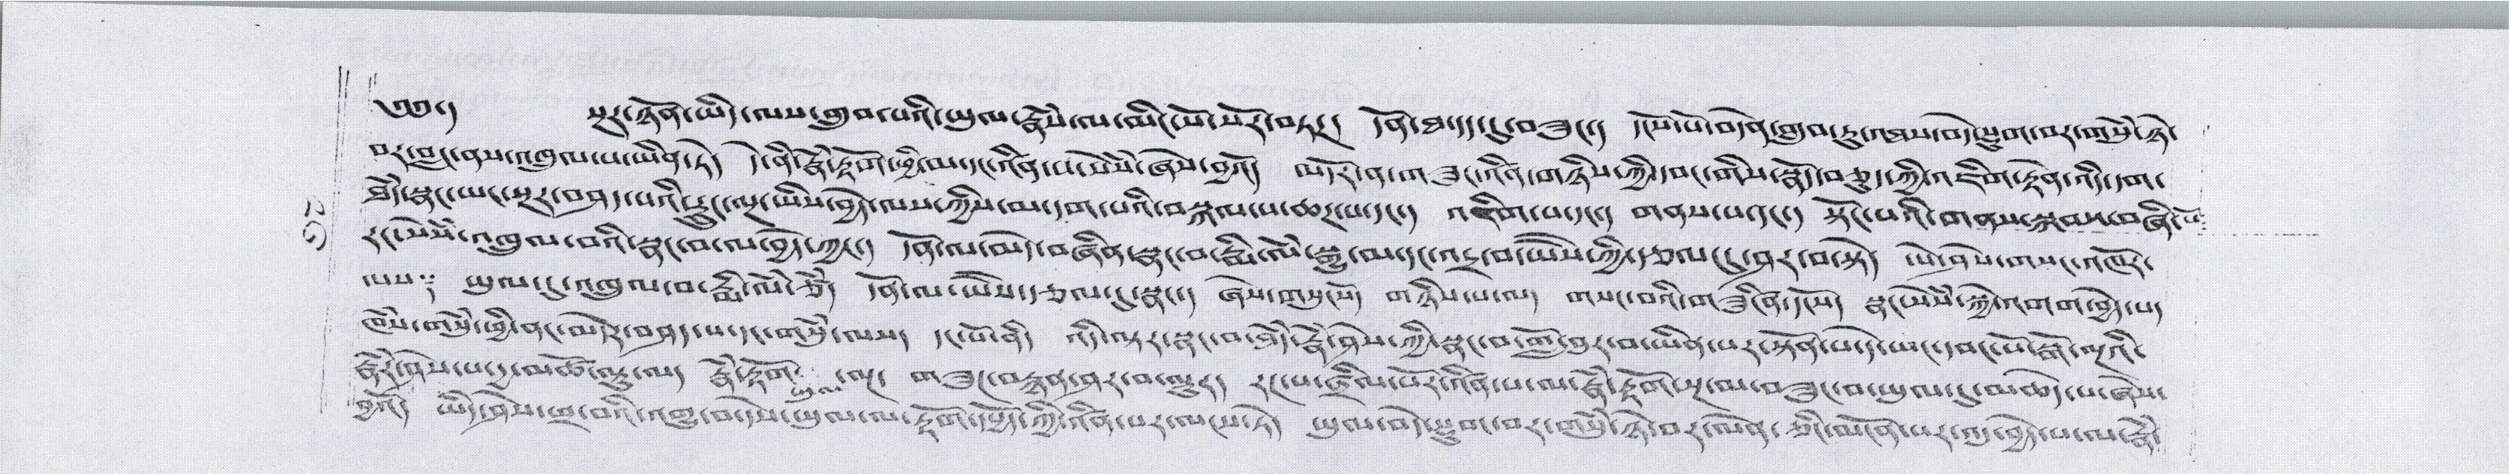སྔར་ཉོན་ཡིད་ལས་གྲུབ་པའི་ཡུལ་རྣམས་ལ་མིང་སོ་སོར་བཏགས། དོན་ཐ་དད་དུ་བཟུང། དངོས་པོ་བདེན་གྲུབ་ཏུ་འཐས་བདེ་སྡུག་བར་གསུམ་ཉེ་
བར་བླང་ནས་འཁྲུལ་པ་ཡིན་ཏེ། དེ་ནི་རྣམ་རྟོག་ཕྱི་མ་དང་འཛིན་པ་སེམས་ཞེས་བྱའོ། མདོར་ན་གཟུང་འཛིན་གཉིས་ཀྱི་དབང་གིས་སྣོད་བཅུད་ཀྱི་འཇིག་རྟེན་འདི་དག་
ཐམས་ཅད་སྣང་ཡང་སྔར་བཤད་པའི་རླུང་ལྔ་ཡིས་བྱེད་ལས་ཀྱིས་མ་དག་པའི་བསྐལ་པ་ཆགས་པ་དང། འཇིག་པ་དང། གནས་པ་དང། སྟོང་པའི་གནས་སྐབས་བཞི་
པོ་རང་སེམས་འཁྲུལ་བའི་སྣང་བ་ལ་བྱེད་ཀྱང། དོན་ལ་མེད་བཞིན་སྣང་བ་རྨི་ལམ་སྒྱུ་མ་དང་འདྲ་བ་ཡེ་ཤེས་ཀྱི་རྩལ་དུ་ཤར་བ་སྟེ། ཡེ་ཤེས་གསལ་འཁོར་
ལས། ཡུལ་དུ་འཁྲུལ་བ་རྨི་ལམ་ཙམ། དོན་ལ་ཡེ་ཤེས་རྩལ་དུ་སྣང། ཞེས་གསུངས་སོ། གཉིས་པ་ལ། གསང་བའི་གཟུང་འཛིན་དངོས། སྣང་སེམས་སྐྱེ་འགག་བྱེད་པ། 
ཁམས་གསུམ་ཕྱི་ནང་མེད་པར་བཤད་པ་དང་གསུམ་ལས། དང་པོ་ནི། འདི་ལྟར་སྣང་བ་ཐམས་ཅད་རྣམ་ཤེས་ཀྱི་སྣང་བ་གློ་བུར་བ་ཡིན་པར་སྟོན་པ་དེ་ཡང་དབང་པོ་སྒོ་ལྔའི་
རྣམ་པར་ཤེས་པ་རྒྱ་མཚོ་ལྟ་བུ་ལ། རྣམ་རྟོག་ཡུལ་ལྔ། གཟུགས་བརྙན་ཤར་བ་ལྟ་བུར། རགས་པ་ཧྲིལ་པོར་འཛིན་པ་ལ་རྣམ་རྟོགས་སྔ་མ་བཟུང་བ་ཡུལ་དུ་མཆེད་པ་ཞེས་
བྱའོ། ཡིད་ཤེས་ཕྲ་བའི་འགྱུ་བ་དེས་ཡུལ་ལ་རྟོག་དཔྱོད་ཀྱི་འཛིན་པར་ལངས་ཏེ། ཡུལ་བདེ་སྡུག་བར་གསུམ་ཉེ་བར་ལེན་ཅིང་མངོན་པར་འདུ་བྱེད་པ་ལ་རྣམ་